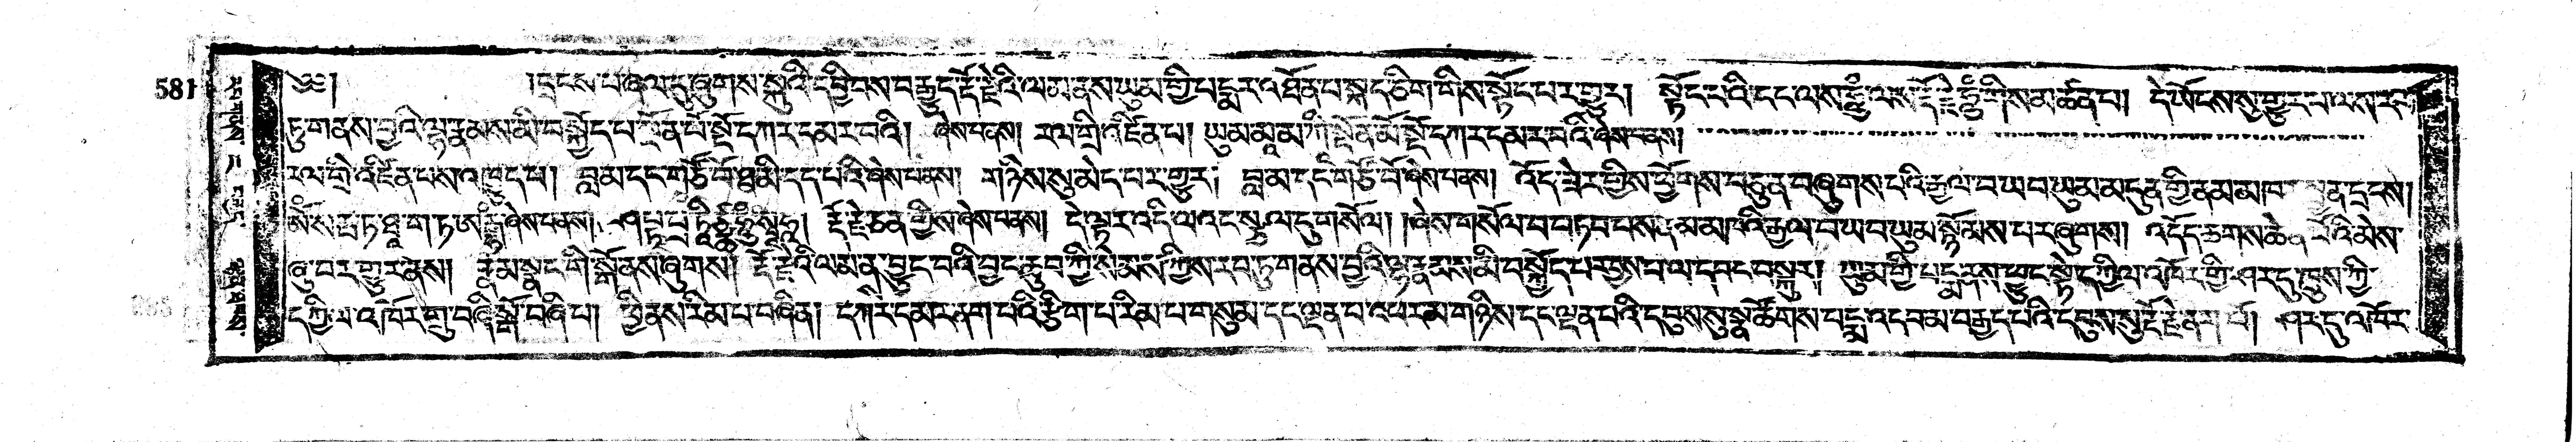༄༅། །དྲངས་པ་ཞལ་དུ་ཞུགས་སྐུའི་དབྱི་བས་བརྒྱུད་རྡོ་རྗེའི་ལམ་ནས་ཡུམ་གྱི་པདམར་འཐོན་པ་སྐད་ཅིག་གིས་སྟོང་པར་གྱུར། སྟོང་པའི་ངང་ལས་ཧཱུཾ་ལས་རྡོ་རྗེ་ཧཱུཾ་གིས་མཚན་པ། དེ་ཡོངས་སུ་གྱུར་པ་ལས་རབ་
ཏུ་གནས་བྱའི་ལྷ་རྣམས་མི་བསྐྱོད་པ་སྔོན་པོ་སྔོ་དཀར་དམར་བའི། ཞེས་པ་ནས།  རལ་གྲི་འཛིན་པ། ཡུམ་མཱ་མ་ཀཱི་སྔོན་པོ་སྔོ་དཀར་དམར་བའི་ཞེས་པ་ནས།
རལ་གྲི་འཛིན་པས་འཁྱུད་པ། བླ་མ་དང་གཙོ་བོ་ཐ་མི་དད་པའི་ཞེས་པ་ནས།  གཉིས་སུ་མེད་པར་གྱུར། བླ་མ་དང་གཙོ་བོ་ཞེས་པ་ནས།  འོད་ཟེར་གྱིས་ཕྱོགས་བཅུ་ན་བཞུགས་པའི་རྒྱལ་བ་ཡབ་ཡུམ་མདུན་གྱི་ནམ་མཁར་སྤྱན་དྲངས།
ཨོཾ་སརྦ་ཏ་ཐཱ་ག་ཏ་ཨཾརྒྷ་ཞེས་པ་ནས།  ཤཔྟ་པྲ་ཏཱི་ཙྪ་ཧཱུཾ་སྭཱཧཱ། རྡོ་རྗེ་ཅན་གྱིས་ཞེས་པ་ནས་དེ་ལྟར་འདི་ལའང་སྩལ་དུ་གསོལ། ཞེས་གསོལ་བ་བཏབ་པས་ནམ་མཁའི་རྒྱལ་བ་ཡབ་ཡུམ་སྙོམས་པར་ཞུགས། འདོད་ཆགས་ཆེན་པོའི་མེས་
ཞུ་བར་གྱུར་ནས། རྣམ་སྣང་གི་སྒོ་ནས་ཞུགས། རྡོ་རྗེའི་ལམ་ན་བྱུང་བའི་བྱང་ཆུབ་ཀྱི་སེམས་ཀྱིས་རབ་ཏུ་གནས་བྱའི་ལྷ་རྣམས་མི་བསྐྱོད་པར་བྱས་པ་ལ་དབང་བསྐུར། ཡུམ་གྱི་པདམ་ནས་ཕྱུང་སྟེ་དཀྱིལ་འཁོར་གྱི་ཤར་དུ་ཁྲུས་ཀྱི་
དཀྱིལ་འཁོར་གྲུ་བཞི་སྒོ་བཞི་པ། ཕྱི་ནས་རིམ་པ་བཞིན། དཀར་དམར་ནག་པའི་རྩིག་པ་རིམ་པ་གསུམ་དང་ལྡན་པ་འཕར་མ་གཉིས་དང་ལྡན་པའི་དབུས་སུ་སྣ་ཚོགས་པདམ་འདབ་མ་བརྒྱད་པའི་དབུས་སུ་རྡོ་རྗེ་ནག་པོ། ཤར་དུ་འཁོར་